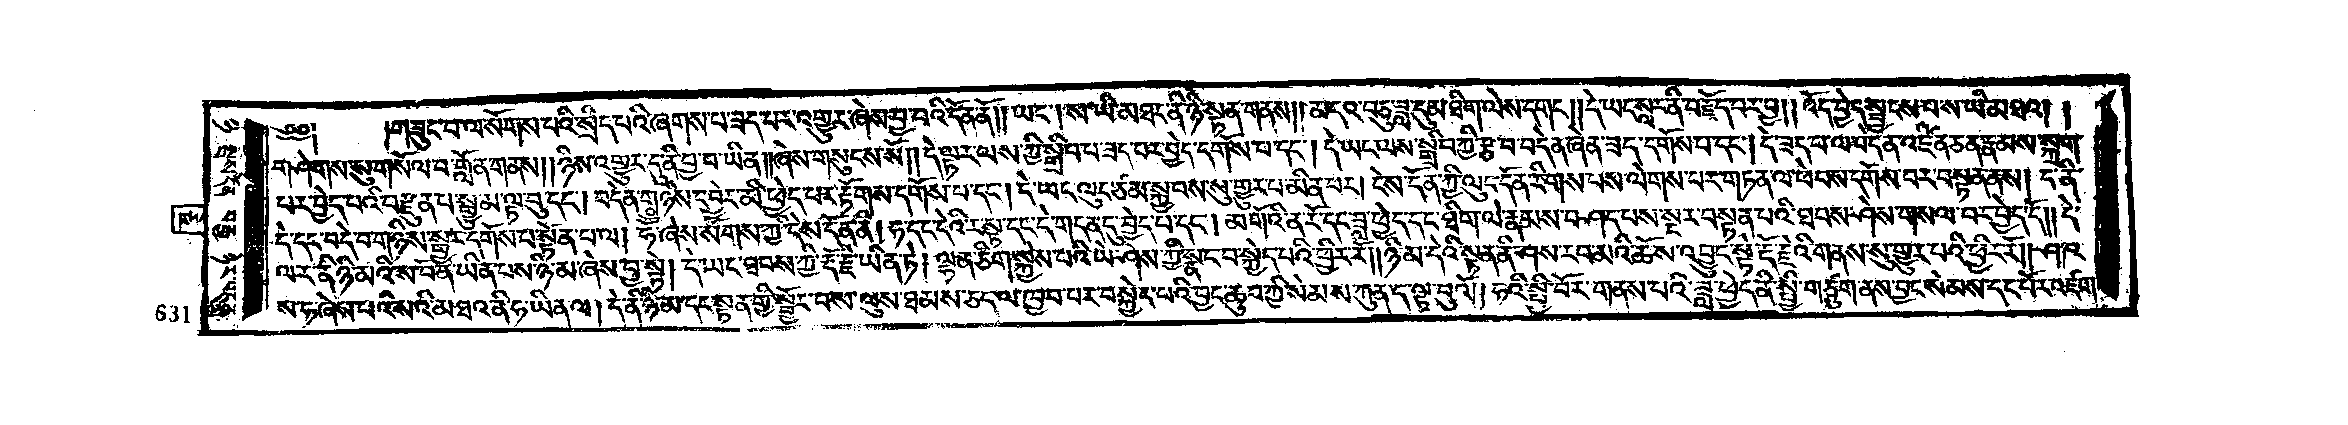༄༅། །གཟུང་བ་ལ་སོགས་པའི་སྲིད་པའི་ཞགས་པ་ཟད་པར་འགྱུར་ཞེས་བྱ་བའི་དོན་ནོ། །ཡང་། ས་ཡི་མཐར་ནི་ཉི་སྟན་གནས། །མདའ་བཅུ་ཟླ་དུམ་ཐིག་ལེས་དགང་། །དེ་ཡང་སླར་ནི་བརྗོད་པར་བྱ། །འོད་བྱེད་སྦྱངས་པ་ས་ཡི་མཐའ། །
གཤེགས་སུ་གསོལ་བ་གློ་ན་གནས། །ཉིས་འགྱུར་དུ་ནི་བྱ་བ་ཡིན། །ཞེས་གསུངས་སོ། །དེ་ལྟར་ལས་ཀྱི་སྒྲིབ་པ་ཟད་པར་བྱེད་དགོས་པ་དང་། དེ་ཡང་ལས་སྒྲིབ་ཀྱི་རྩ་བ་བདེན་ཞེན་ཟད་དགོས་པ་དང་། དེ་ཟད་པ་ལ་བདེན་འཛིན་ཅན་རྣམས་སྐྲག་
པར་བྱེད་པའི་བརྫུན་པ་སྒྱུ་མ་ལྟ་བུ་དང་། བདེན་གཉིས་དབྱེར་མི་ཕྱེད་པར་རྟོགས་དགོས་པ་དང་། དེ་ཡང་ལུང་ཙམ་སྐྱབས་སུ་གྱུར་པ་མིན་པར། ངེས་དོན་གྱི་ལུང་དོན་རིགས་པས་ལེགས་པར་གཏན་ལ་ཕེབས་དགོས་པར་བསྟན་ནས། ད་ནི་
དེ་དང་བདེ་བ་གཉིས་སྦྱར་དགོས་པ་སྟོན་པ་ལ། ཧཽཾ་ཞེས་སོགས་ཀྱི་ངེས་དོན་ནི། ཧ་དང་དེའི་ར་སྟ་དང་དེ་གདན་དུ་བྱེད་པ་དང་། མགོའི་ན་རོ་དང་ཟླ་ཕྱེད་དང་ཐིག་ལེ་རྣམས་བཤད་པས་སྔར་བསྟན་པའི་ཐབས་ཤེས་གསལ་བར་བྱེད་དོ། །དེ་
ལ་ར་ནི་ཉི་མའི་ས་བོན་ཡིན་པས་ཉི་མ་ཞེས་བྱ་སྟེ། དེ་ཡང་ཐབས་ཀྱི་རྡོ་རྗེ་ཡིན་ཏེ། ལྷན་ཅིག་སྐྱེས་པའི་ཡེ་ཤེས་ཀྱི་སྣང་བ་སྐྱེད་པའི་ཕྱིར་རོ། །ཉི་མ་དེའི་སྟན་ནི་ཤེས་རབ་མའི་ཆོས་འབྱུང་སྟེ་རྡོ་རྗེའི་གནས་སུ་གྱུར་པའི་ཕྱིར་རོ། །ཤ་ཥ་
ས་ཧ་ཞེས་པའི་སའི་མཐའ་ནི་ཧ་ཡིན་ལ། དེ་ནི་ཉི་མ་དང་སྟན་གྱི་སྦྱོར་བས་ལུས་ཐམས་ཅད་ལ་ཁྱབ་པར་བསྐྱེད་པའི་བྱང་ཆུབ་ཀྱི་སེམས་ཀུན་ད་ལྟ་བུའོ། །ཧའི་སྤྱི་བོར་གནས་པའི་ཟླ་ཕྱེད་ནི་སྤྱི་གཙུག་ནས་བྱང་སེམས་དང་པོར་འཛག་